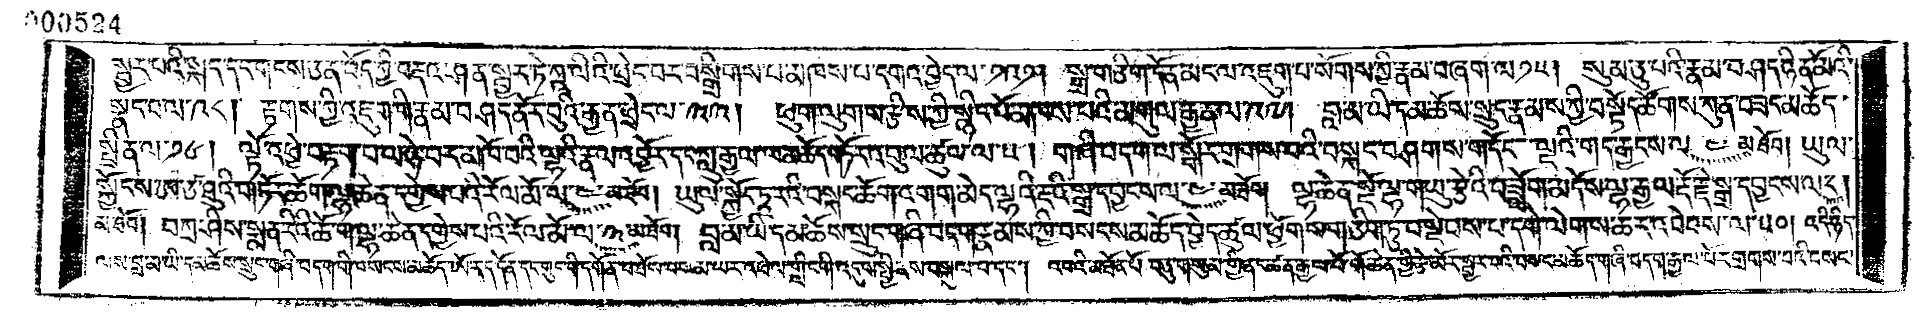སྦྱར་པའི་སྐད་དང་གངས་ཅན་བོད་ཀྱི་བརྡའ་ཤན་སྦྱར་ཏེ་ཀཱ་ལིའི་ཕྲེང་བར་བསྒྲིགས་པ་མཁས་པ་དགའ་བྱེད་ལ ༡༢༡། སྒྲ་གཅིག་དོན་མངལ་འཇུག་པ་སོགས་ཀྱི་རྣམ་བཞག་ལ ༡༥། སུམ་ཅུ་པའི་རྣམ་བཤད་ཉིན་མོའི་
སྣང་བ་ལ ༩༨། རྟགས་ཀྱི་འཇུག་གི་རྣམ་བཤད་ནོར་བུའི་རྒྱན་ཕྲེང་ལ ༣༣། ཕུག་ལུགས་རྩིས་ཀྱི་སྙིང་པོ་མཁས་པའི་མགུལ་རྒྱན་ལ ༢༧། བླ་མ་ཡི་དམ་ཆོས་སྲུང་རྣམས་ཀྱི་བསྟོད་ཚོགས་ཀུན་བཟང་མཆོད་
སྤྲིན་ལ ༡༦། ལྟོ་འཕྱེ་བརྟག་པ་ལ་ཉེ་བར་མཁོ་བའི་ལྷའི་རྣལ་འབྱོར་དང་ཀླུ་རྒྱལ་ལ་མཆོད་གཏོར་འབུལ་ཚུལ་ལ ༥། གཞི་བདག་ལ་སྒོར་གྲགས་པའི་བསྐང་བཤགས་གདོང་ལྔའི་གད་རྒྱངས་ལ་མ་ཐོབ།  ༤་ཡུལ་
སྐྱོངས་ཨ་ཙ་ཐུའི་གཏོར་ཆོག་ལྷ་ཆེན་དགྱེས་པའི་རོལ་མོ་ལ་མ་ཐོབ།  ༤་ཡུལ་སྐྱོང་ཏཱ་རའི་བསྐང་ཆོག་འགག་མེད་ལྷའི་རྔའི་སྒྲ་དབྱངས་ལ ༤་མ་ཐོབ། ལྷ་ཆེན་སྔོ་ལྷ་གཡུ་རྩེའི་བཟློག་མདོས་ལྷ་རྒྱལ་རྡོ་རྗེ་སྒྲ་དབྱངས་ལ ༨།
མ་ཐོབ།  བཀྲ་ཤིས་སྨན་རིའི་ཆོ་ག་ལྷ་ཆེན་དགྱེས་པའི་རོལ་མོ་ལ་མ་ཐོབ།  བླ་མ་ཡི་དམ་ཆོས་སྲུང་གཞི་བདག་རྣམས་ཀྱི་བསངས་མཆོད་བྱེད་ཚུལ་ཕྱོགས་གཅིག་ཏུ་བསྡེབས་པ་དགེ་ལེགས་ཆར་འབེབས་ལ ༥༠། འདི་ཉིད་
ལས་བླ་མ་ཡི་དམ་ཆོས་སྲུང་གཞི་བདག་གི་བསངས་མཆོད་ཨོ་རད་དོན་དང་གུང་གི་དགོན་པ་ཐོས་བསམ་ཡར་འཕེལ་གླིང་གི་འདུས་སྤྱི་ནས་བསྐུལ་བ་དང་། འབའི་མཐོན་པོ་བཅུ་གསུམ་གྱི་ནང་ཚན་རྒྱལ་པོ་གོ་ཆེན་གྱི་རྩེ་མོར་སྦྱར་བའི་བསང་མཆོད་གཞི་བདག་རྒྱལ་པོར་གྲགས་པའི་བསང་